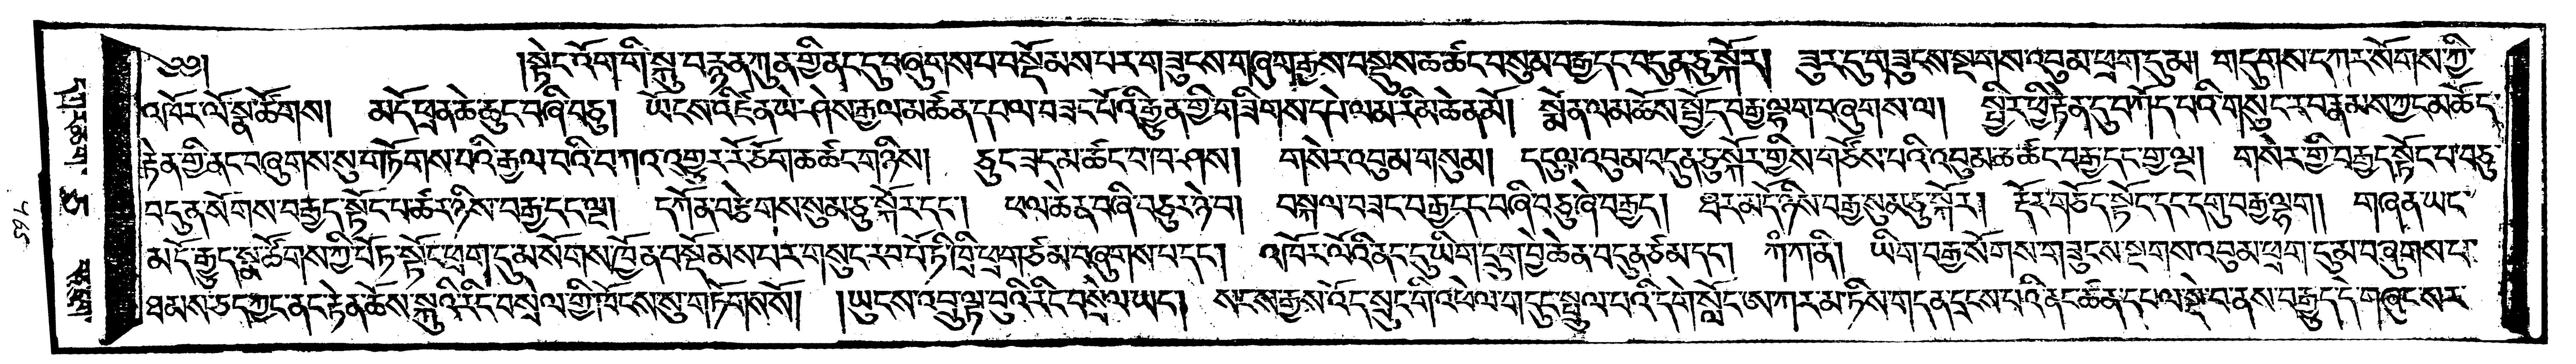༄༅། །སྟེང་འོག་གི་སྐུ་བརྙན་ཀུན་གྱི་ནང་དུ་བཞུགས་པ་བསྡོམས་པར་གཟུངས་གཞུག་རྒྱས་བསྡུས་ཆ་ཚང་བ་སུམ་བརྒྱ་དང་བདུན་ཅུ་སྐོར། ཟུར་དུ་གཟུངས་སྔགས་འབུམ་ཕྲག་དུ་མ། གདུགས་དཀར་སོགས་ཀྱི་
འཁོར་ལོ་སྣ་ཚོགས། མདོ་ཕྲན་ཆེ་ཆུང་བཞི་བཅུ། ཡོངས་འཛིན་ཡེ་ཤེས་རྒྱལ་མཚན་དཔལ་བཟང་པོའི་རྒྱུན་གྱི་གཟིགས་དཔེ་ལམ་རིམ་ཆེན་མོ། སྨོན་ལ་མཆོས་སྤྱོད་བརྒྱ་ལྷག་བཞུགས་ལ། སྤྱིར་ཕྱི་རྟེན་དུ་བཀོད་པའི་གསུང་རབ་རྣམས་ཀྱང་མཆོད་
རྟེན་གྱི་ནང་བཞུགས་སུ་གཏོགས་བའི་རྒྱལ་བའི་བཀའ་འགྱུར་རོ་ཅོག་ཆ་ཚང་གཉིས། ཅུང་ཟད་མ་ཚང་བ་ཁ་ཤས། གསེར་འབུམ་གསུམ། དངུལ་འབུམ་བདུན་ཅུ་སྐོར་གྱིས་གཙོས་པའི་འབུམ་ཆ་ཚང་བརྒྱ་དང་གྱ་ལྔ། གསེར་གྱི་བརྒྱད་སྟོང་པ་བཅུ་
བདུན་སོགས་བརྒྱད་སྟོང་པ་ཚར་ཉིས་བརྒྱ་དང་ལྔ། དཀོན་བརྩེགས་སུམ་ཅུ་སྐོར་དང་། ཕལ་ཆེན་བཞི་བཅུར་ཉེ་བ། བསྐལ་བཟང་བརྒྱ་དང་བཞི་བཅུ་ཞེ་བརྒྱད། ཐར་མདོ་ཉིས་བརྒྱ་སུམ་ཅུ་སྐོར། རྡོར་གཅོད་སྟོང་དང་དགུ་བརྒྱ་ལྷག། གཞན་ཡང་
མདོ་རྒྱུད་སྣ་ཚོགས་ཀྱི་པོཏ་སྟོང་ཕྲག་དུ་མ་སོགས་ཁྱོན་བསྡོམས་པར་གསུང་རབ་པོ་ཏི་ཁྲི་ཕྲག་ཙམ་བཞུགས་པ་དང་། འཁོར་ལོའི་ནང་དུ་ཡིག་དྲུག་བྱེ་ཆེན་བདུན་ཙམ་དང་། ཀཾཀ་ནི། ཡིག་བརྒྱ་སོགས་གཟུངས་སྔགས་འབུམ་ཕྲག་དུ་མ་བཞུགས་པ་
ཐམས་ཅད་ཀྱང་ནང་རྟེན་ཆོས་སྐུའི་རིང་བསྲེལ་གྱི་ཁོངས་སུ་གཏོགས་སོ། །ཡུངས་འབྲུ་ལྟ་བུའི་རིང་བསྲེལ་ཡང་། སངས་རྒྱས་འོད་སྲུང་གི་འཕེལ་གདུང་སྤྲུལ་པའི་དགེ་སློང་ཨ་ཀར་མ་ཏིས་གདན་དྲངས་པའི་ནང་ཚན་དཔལ་སྡེབ་ནས་བརྒྱུད་དེ་གཞུང་སར་